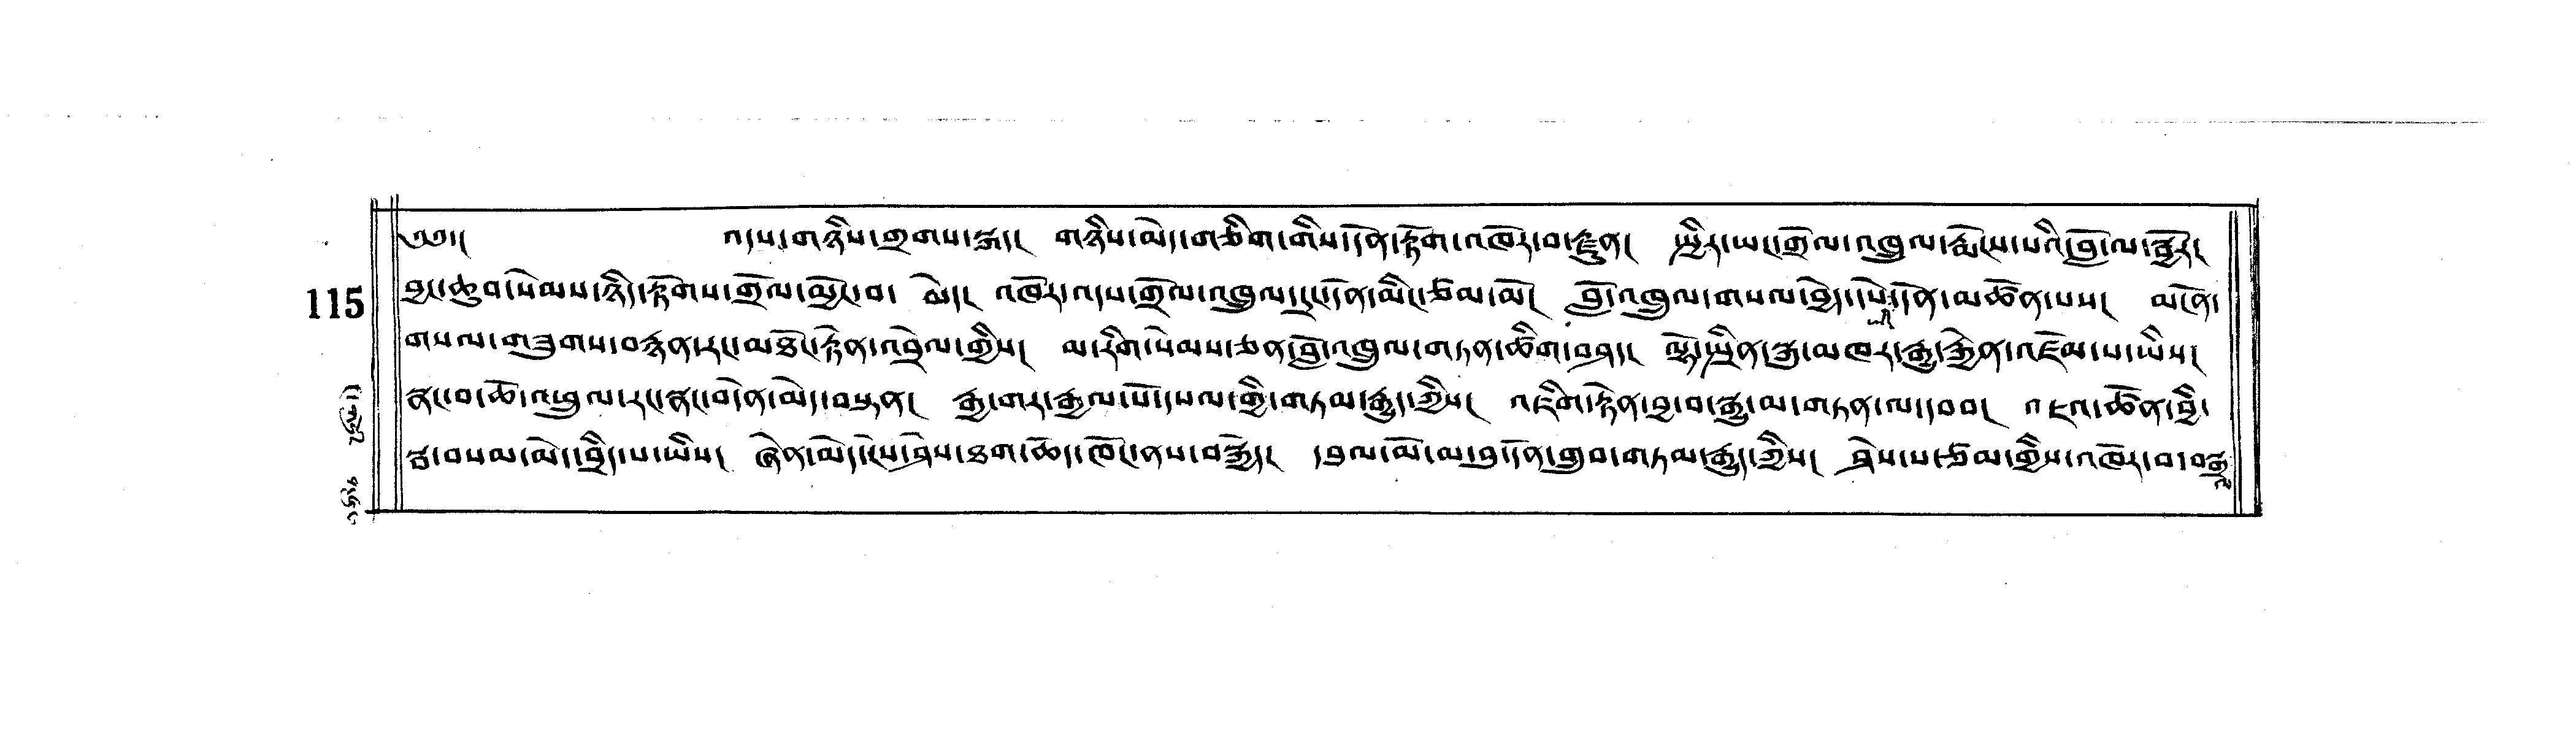འདས་གཉིས་གྲགས་སྐད། གཉིས་མེད་གཅིག་གིས་དོན་རྟོགས་འཁོར་བ་རྫུན། སྤྱིར་ཡང་གྲོལ་འཁྲུལ་རྨོངས་པའི་བློ་ལ་སྦྱོར། 
བྱང་ཆུབ་སེམས་ཉིད་རྟོགས་གྲོལ་མྱོང་བ་མེད། འཁོར་འདས་གྲོལ་འཁྲུལ་དྲང་དོན་མིང་ཙམ་མོ། བློ་འཁྲུལ་གསལ་བྱེད་དཔེ་ཡིས་དོན་མཚོན་པས། མངོན་
གསལ་གཟུགས་བརྙན་རང་མཐོང་རྟེན་འབྲེལ་གྱིས། མ་རིག་སེམས་ཅན་བློ་འཁྲུལ་གཏན་ཚིགས་བཤད། ལྷོ་སྤྲིན་སྐུ་མཁར་རྒྱུ་རྐྱེན་འཛོམས་པ་ཡིས། 
སྣང་བ་ཆོ་འཕྲུལ་རང་སྣང་བདེན་མེད་བསྟན། རྒྱ་གར་རྒྱལ་པོ་དཔལ་གྱི་གཏམ་རྒྱུད་ཀྱིས། འཇིག་རྟེན་བྱ་བ་སྒྱུ་མ་གཏན་ལ་དབབ། འཇའ་ཚོན་བྱི་
སྦ་བསམ་མེད་བྲིད་པ་ཡིས། ཞེན་མེད་ངེས་མེད་ཐག་ཆོད་ཁོང་ནས་བསྐྱེད། དབུལ་མོ་མ་བུ་དོན་གྲུབ་གཏམ་རྒྱུད་ཀྱིས། ཤེས་པ་ཙམ་གྱིས་འཁོར་བ་བསྒྲལ་